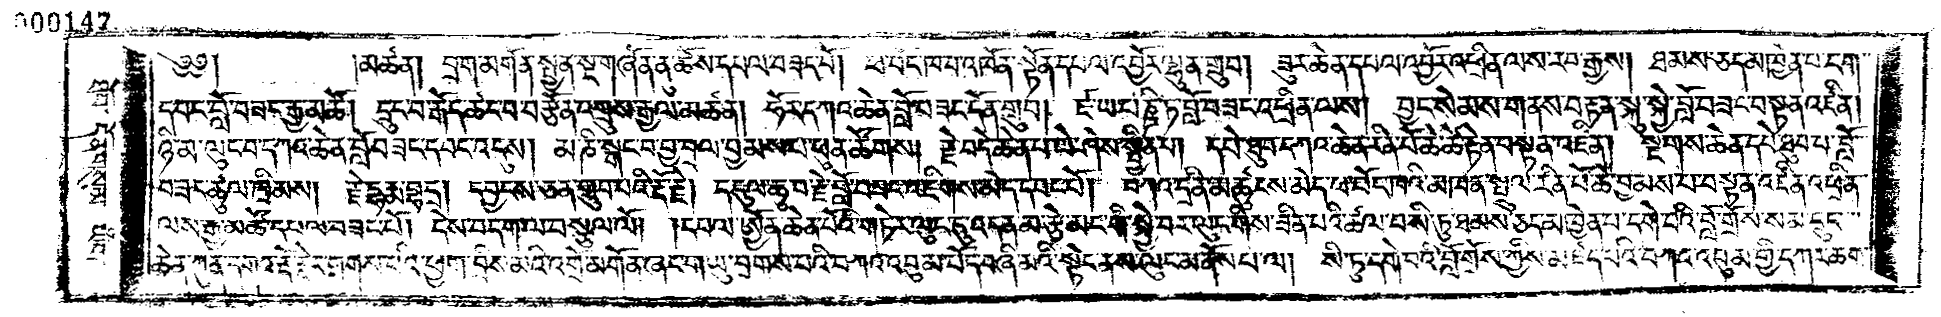༄༅། །མཚན། བྲག་མགོན་སྤྱན་སྔ་གཞོན་ནུ་ཆོས་དཔལ་བཟང་པོ། ཕ་བོང་ཁ་པ་འཁོན་སྟོན་དཔལ་འབྱོར་ལྷུན་གྲུབ། ཟུར་ཆེན་དཔལ་འབྱོར་འཕྲིན་ལས་རབ་རྒྱས། ཐམས་ཅད་མཁྱེན་པ་ངག་
དབང་བློ་བཟང་རྒྱ་མཚོ། དྲུང་བ་རྒོད་ཚང་བ་བརྩོན་འགྲུས་རྒྱལ་མཚན། ཧོར་དཀའ་ཆེན་བློ་བཟང་དོན་གྲུབ། ཛ་ཡ་པཎྜི་ཏ་བློ་བཟང་འཕྲིན་ལས། བྱང་སེམས་གནས་བརྟན་སྐུ་སྐྱེ་བློ་བཟང་བསྟན་འཛིན།
ཉི་མ་ལུང་བ་དཀའ་ཆེན་བློ་བཟང་དབང་འདུས། མ་ཎི་སྒང་བ་བྱ་བྲལ་བྱམས་པ་ཕུན་ཚོགས། རྗེ་བདེ་ཆེན་པ་ཡེ་ཤེས་སྦྱིན་པ། དཔེ་ཐུབ་དཀའ་ཆེན་རིན་པོ་ཆེ་ཚེ་རྟེན་བསྟན་འཛིན། སྔགས་ཆེན་དཔེ་ཐུབ་པ་བློ་
བཟང་ཚུལ་ཁྲིམས། རྗེ་དྷརྨ་བྷ་དྲ། དབྱངས་ཅན་གྲུབ་པའི་རྡོ་རྗེ། དངུལ་ཆུ་བ་རྗེ་བློ་བཟང་འཇིགས་མེད་དབང་པོ། བཀའ་དྲིན་མཚུངས་མེད་ཕ་བོང་ཁའི་མཁན་སྤྲུལ་རིན་པོ་ཆེ་བྱམས་པ་བསྟན་འཛིན་འཕྲིན་
ལས་རྒྱ་མཚོ་དཔལ་བཟང་པོ། དེས་བདག་ལ་བསྩལ་ལོ། །དཔལ་ཡོན་ཆེན་པོའི་གཏེར་ལུང་དུ་འདན་མ་རྩེ་མང་གི་སྐྱེ་བར་ལུང་གིས་ཟིན་པའི་ཚལ་བ་སི་ཏུ་ཐམས་ཅད་མཁྱེན་པ་དགེ་བའི་བློ་གྲོས་སམ་དྲུང་
ཆེན་ཀུན་དགའ་རྡོ་རྗེར་གྲགས་པའི་ཕྱག་བྲིས་མའི་འགྲོ་མགོན་ཞང་གཡུ་བྲགས་པའི་བཀའ་འབུམ་བོད་བཞི་མའི་སྟེང་ནས་ལུང་མནོས་པ་ལ། སི་ཏུ་དགེ་བའི་བློ་གྲོས་ཀྱིས་མཛད་པའི་བཀའ་འབུམ་གྱི་དཀར་ཆག་